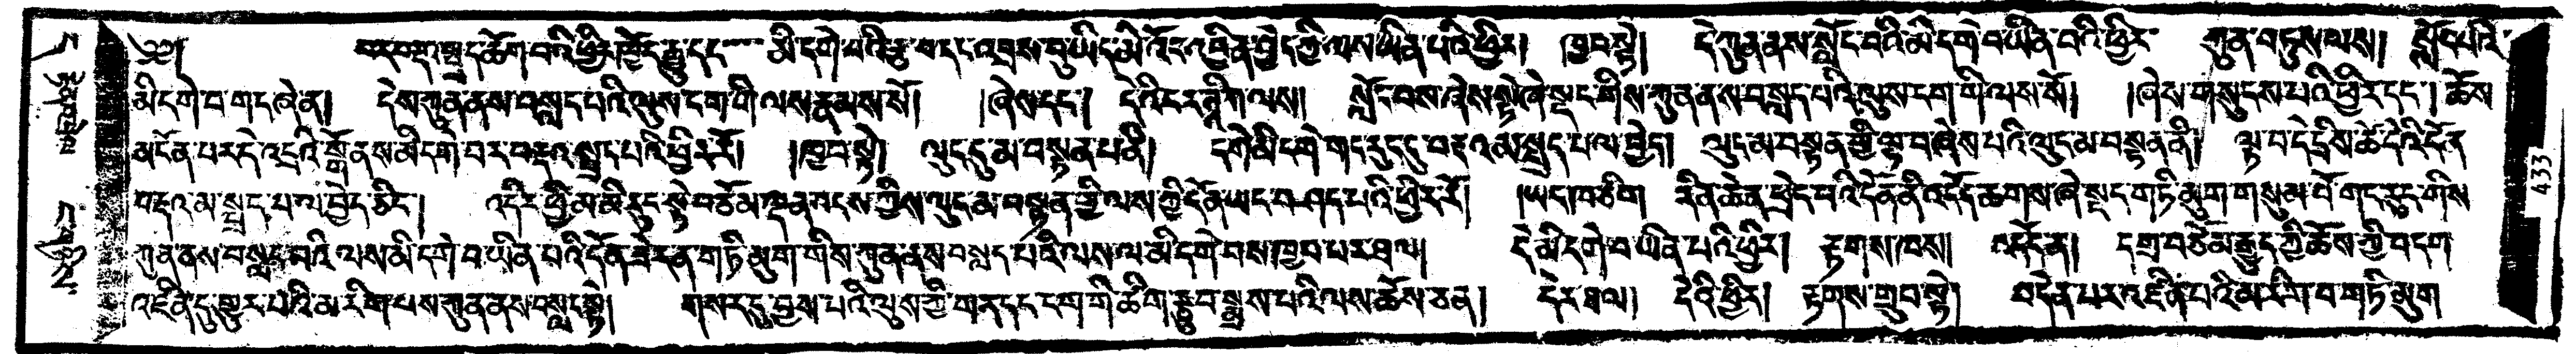༄༅། བར་བརྡའ་སྤྲད་ཆོག་པའི་ཕྱིར་ཁྱོད་རྒྱུ་དང་མི་དགེ་བའི་རྩ་བ་དང་འབྲས་བུ་ཡིད་མི་འོང་འབྱིན་བྱེད་ཀྱི་ལས་ཡིན་པའི་ཕྱིར། ཁྱབ་སྟེ། དེ་ཀུན་ནས་སློང་བའི་མི་དགེ་བ་ཡིན་པའི་ཕྱིར་ཀུན་བཏུས་ལས། སློང་པའི་
མི་དགེ་བ་གང་ཞེ་ན། དེས་ཀུན་ནས་བསླང་བའི་ལུས་ངག་གི་ལས་རྣམས་སོ། །ཞེས་དང་། དེའི་ངར་ཊཱིཀ་ལས། སློང་བས་ཞེས་སྟེ་ཞེ་སྡང་གིས་ཀུན་ནས་བསླང་པའི་ལུས་ངག་གི་ལས་སོ། །ཞེས་གསུངས་པའི་ཕྱིར་དང་། ཆོས་
མངོན་པར་དེ་འདྲའི་སྒོ་ནས་མི་དགེ་བར་བརྡའ་སྤྲད་པའི་ཕྱིར་རོ། །ཁྱབ་སྟེ། ལུང་དུ་མ་བསྟན་པ་ནི། དགེ་མི་དགེ་གང་རུང་དུ་བརྡའ་མ་སྤྲད་པ་ལ་བྱེད། ལུང་མ་བསྟན་གྱི་ལྟ་བ་ཞེས་པའི་ལུང་མ་བསྟན་ནི། ལྟ་བ་དེ་དྲིས་ཚེ་དེའི་དོན་
བརྡའ་མ་སྤྲད་པ་ལ་བྱེད་ཅིང་། འདིར་ཕྱི་མ་མི་རུང་སྟེ་བཅོམ་ལྡན་འདས་ཀྱིས་ལུང་མ་བསྟན་གྱི་ལས་ཀྱི་དོན་ཡང་བཤད་པའི་ཕྱིར་རོ། །ཡང་ཁ་ཅིག་རིན་ཆེན་ཕྲེང་བའི་དོན་ནི་འདོད་ཆགས་ཞེ་སྡང་གཏི་མུག་གསུམ་པོ་གང་རུང་གིས་
ཀུན་ནས་བསླང་བའི་ལས་མི་དགེ་བ་ཡིན་པའི་དོན་ཟེར་ན་གཏི་མུག་གིས་ཀུན་ནས་བསླང་པའི་ལས་ལ་མི་དགེ་པས་ཁྱབ་པར་ཐལ། དེ་མི་དགེ་བ་ཡིན་པའི་ཕྱིར། རྟགས་ཁས། འདོད་ན། དགྲ་བཅོམ་རྒྱུད་ཀྱི་ཆོས་ཀྱི་བདག་
འཛིན་དུ་གྱུར་པའི་མ་རིག་པས་ཀུན་ནས་བསླང་སྟེ། གསར་དུ་བྱས་པའི་ལུས་ཀྱི་གན་དང་ངག་གི་ཚིག་རྩུབ་སྨྲས་པའི་ལས་ཆོས་ཅན། དེར་ཐལ། དེའི་ཕྱིར། རྟགས་གྲུབ་སྟེ། བདེན་པར་འཛིན་པའི་མ་རིག་བ་གཏི་མུག་